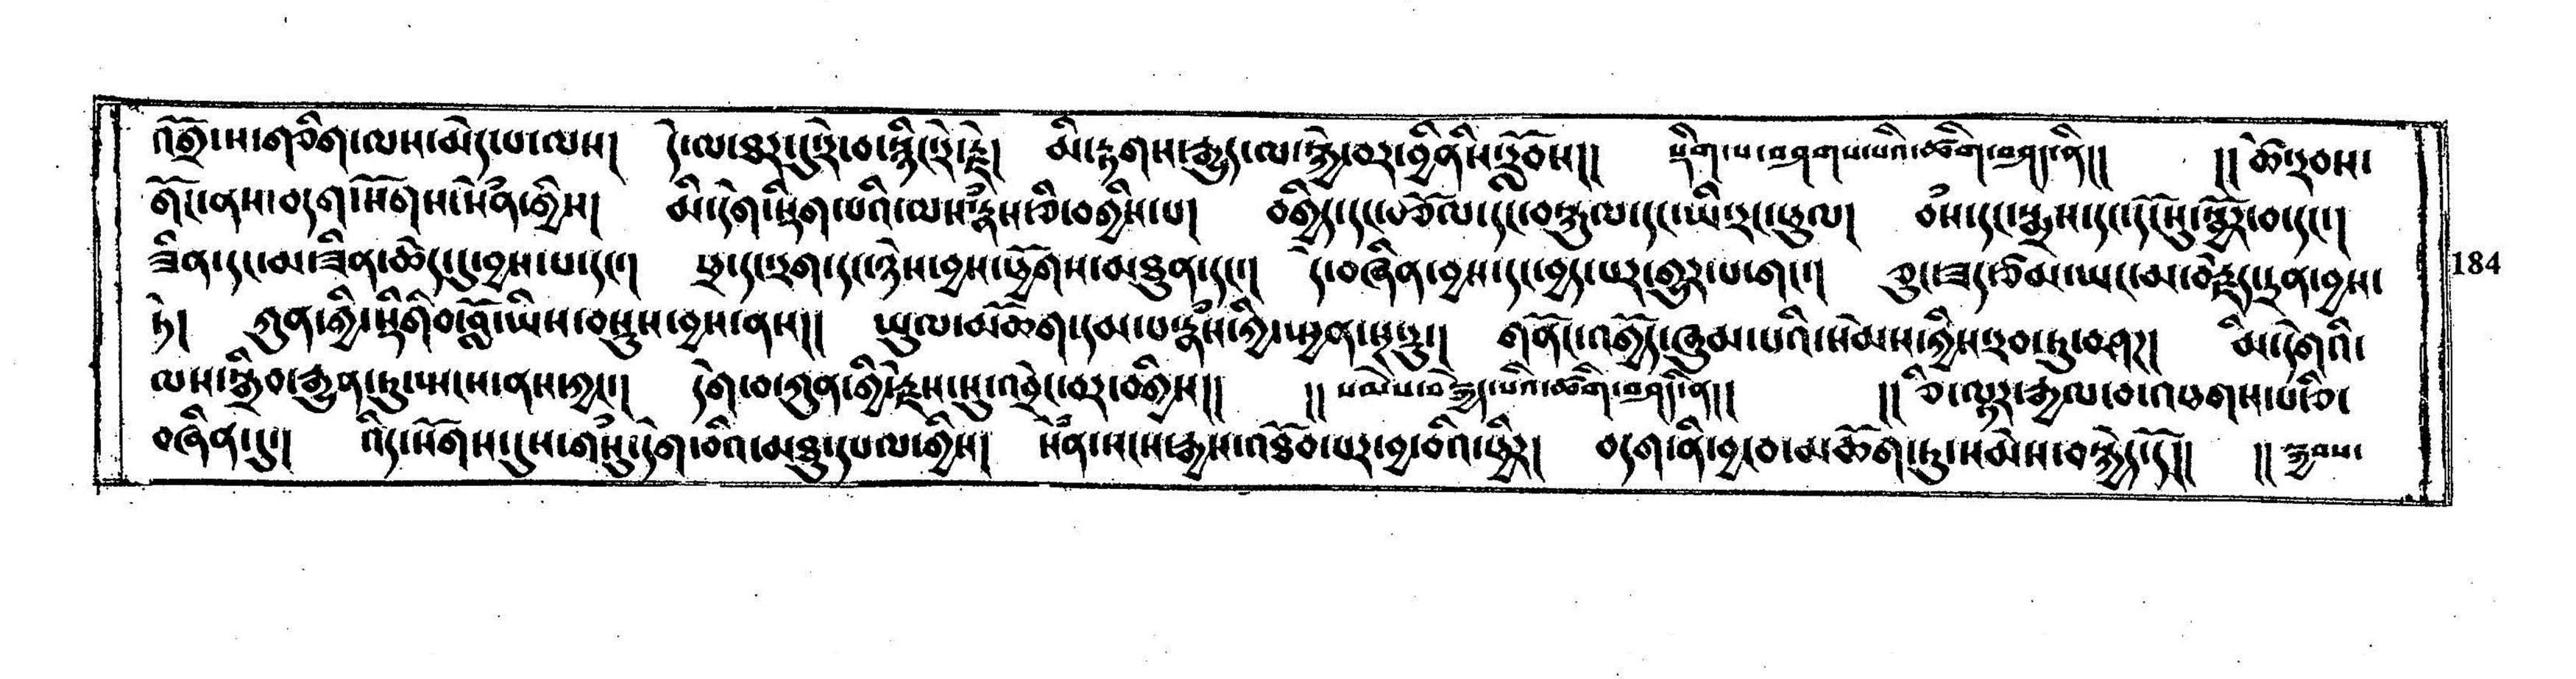འགྲོ་ས་གཅིག་ལས་མེད་པ་ལས། དེ་ལ་ཐར་དུ་རེ་བ་སྙིང་རེ་རྗེ། མི་རྟག་རྒྱུད་ལ་སྐྱེ་བར་བྱིན་གྱིས་རློབས།། སྡིག་པ་བཤགས་པའི་ཚིག་བཤད་ནི།། །།ཚེ་རབས་
གོང་ནས་བདག་སོགས་སེམས་ཅན་གྱིས། མེ་དགེ་སྡིག་པའི་ལས་རྣམས་ཅི་བགྱིས་པ། བགྱིད་དང་བཅོལ་དང་བསྐུལ་དང་ཡི་རང་ཕུལ། བསམ་དང་སྨྲས་དང་དངོས་སུ་སྦྱོར་བ་དང་། 
ཟིན་དང་མ་ཟིན་ཆེད་དུ་བྱས་པ་དང་། ཕྲ་དང་རག་དང་ཉེས་བྱས་ཕྱོགས་མཐུན་དང་། དེ་བཞིན་བྱས་དང་བྱེད་པར་གྱུར་པ་གང་། ཅུང་ཟད་ཙམ་ཡང་མ་བརྗེད་དྲན་བྱས་
ཏེ། ཀུན་གྱི་སྡིག་སྒྲིབ་བློ་ཡིས་བསྡུས་བྱས་ནས།། ཡུལ་མཆོག་དམ་པ་རྣམས་ཀྱི་སྤྱན་སྔ་རུ། གནོང་འགྱོད་ཞུམ་པའི་སེམས་ཀྱིས་རབ་ཏུ་བཤགས། མི་དགེའི་
ལས་སྒྲིབ་རྒྱུན་ཏུ་སྤངས་ནས་ཀྱང་། དགེ་བ་ཀུན་གྱི་རྗེས་སུ་འབྲེང་བར་བགྱིས།། སེམས་བསྐྱེད་པའི་ཚིག་བཤད་ནི།། །།ཅི་ལྟར་རྒྱལ་བ་འཕགས་པ་ཅི་
བཞིན་དུ། འདི་སོགས་དུས་གསུམ་དགེ་བའི་མཐུ་དཔལ་གྱིས། སེམས་ཅན་སངས་རྒྱས་འཐོབ་པར་བྱ་བའི་ཕྱིར། བདག་ནི་བྱང་ཆུབ་མཆོག་ཏུ་སེམས་བསྐྱེད་དོ།། སྐྱབས་